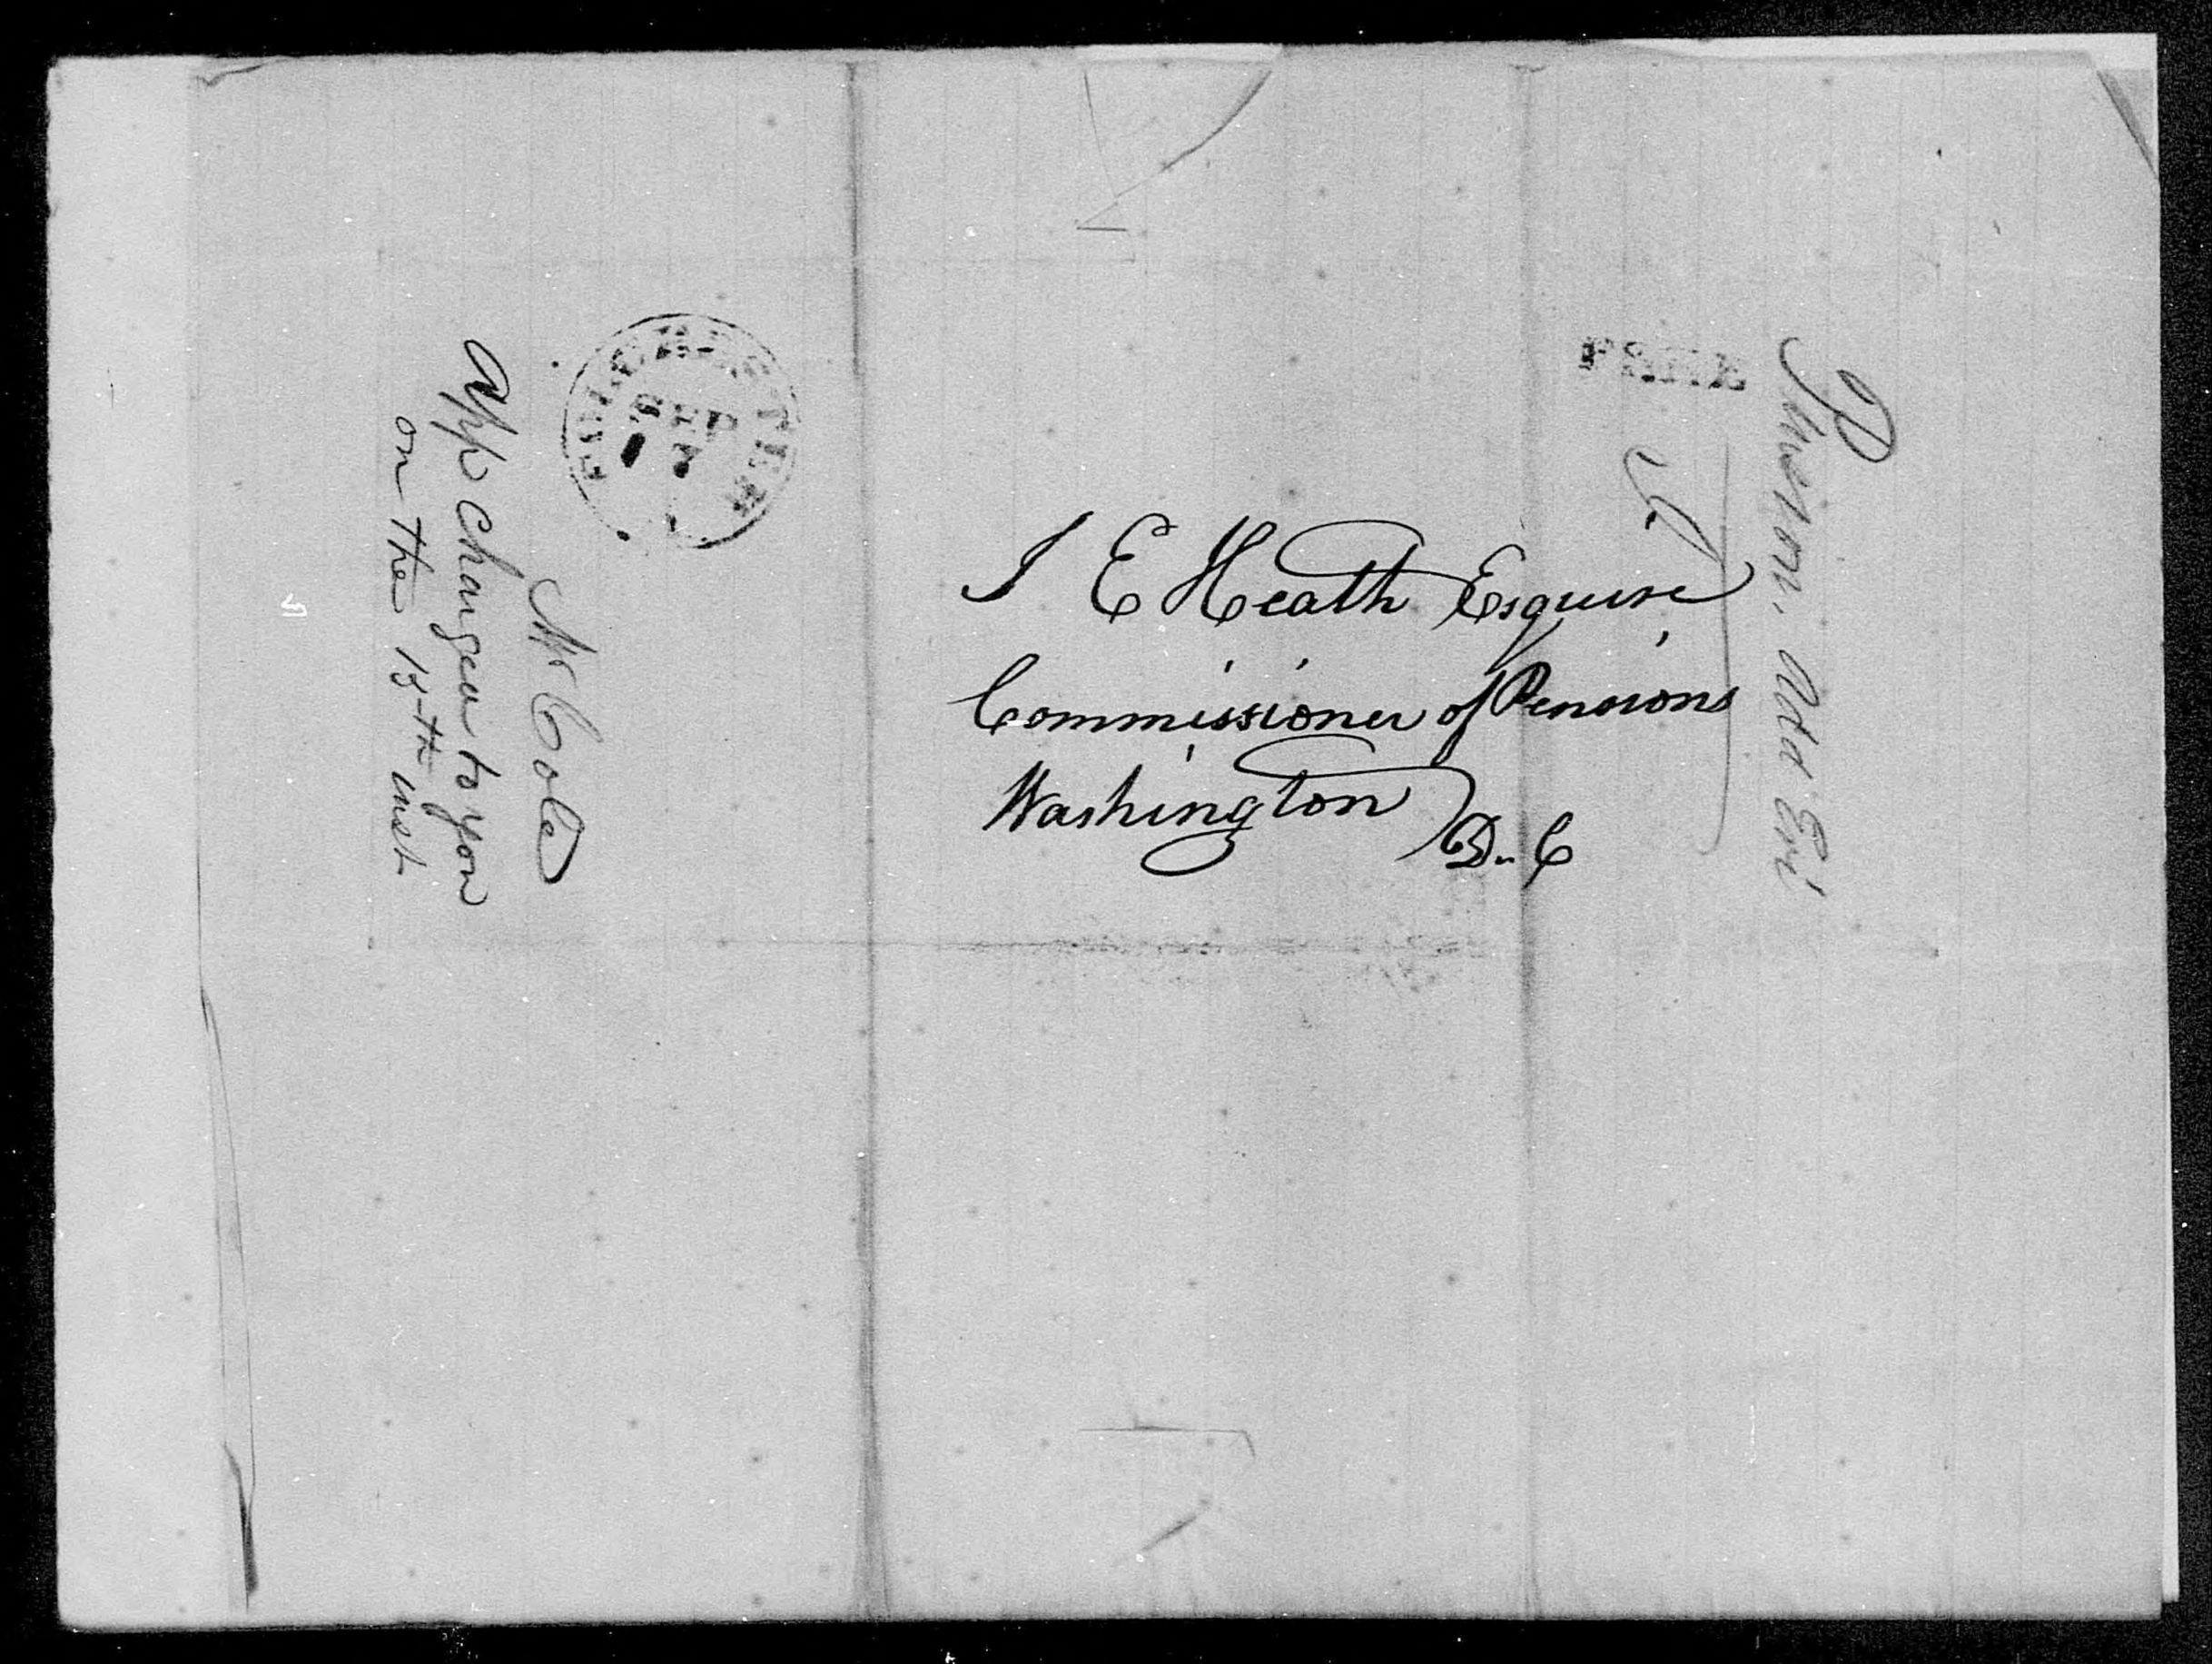J E Heath
Commissioner of Pensions
Washington D. C.

Pension. Add Evi

Mr Cole
app changed to you
on the 13th last

round stamp
COLCHESTER
SEP 17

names: J E Heath, Cole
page: 47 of 53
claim: rejected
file: R. 3732, Jesse Fox, Conn.